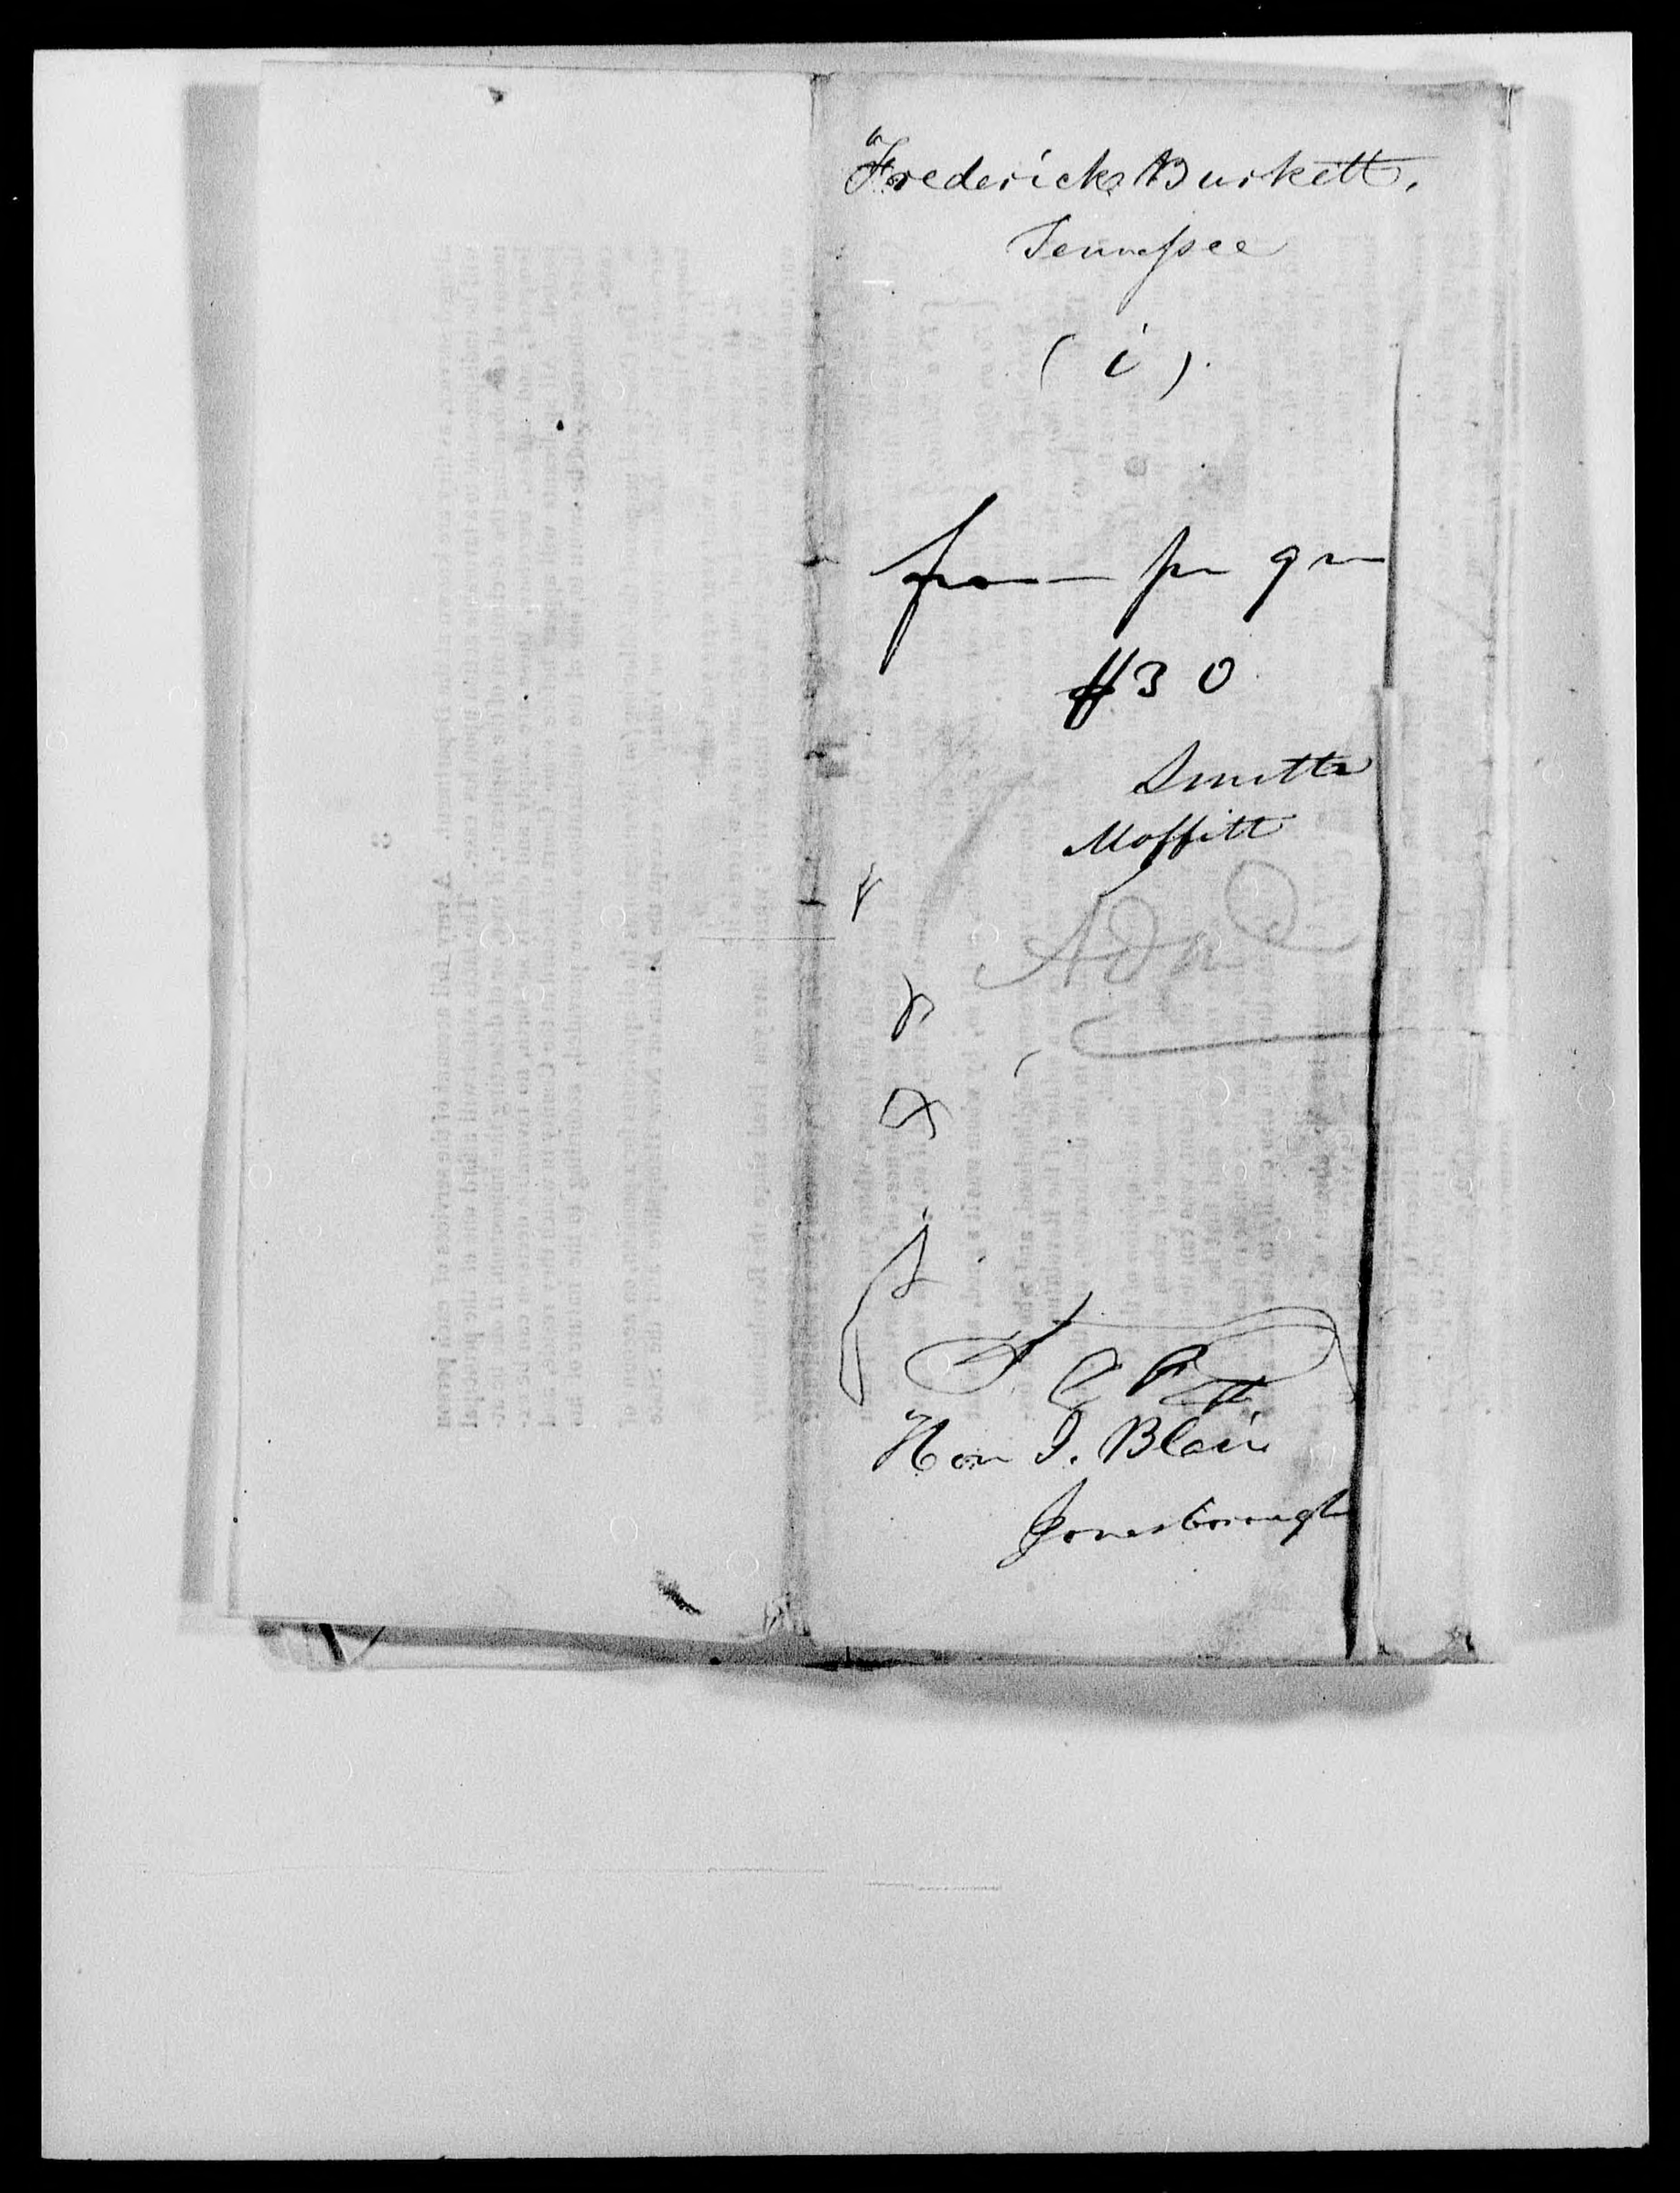Frederick Burkett.
Tennessee

(i)

from - pr gr -
$30

Smith
Moffitt

Admd [underlined]

[illegible]
Hon J. Blair
Jonesborough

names: J Blair, Moffitt, Smith, Frederick Burkett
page: 10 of 47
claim: survivor's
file: S. 3102, Frederick Burket, Va.